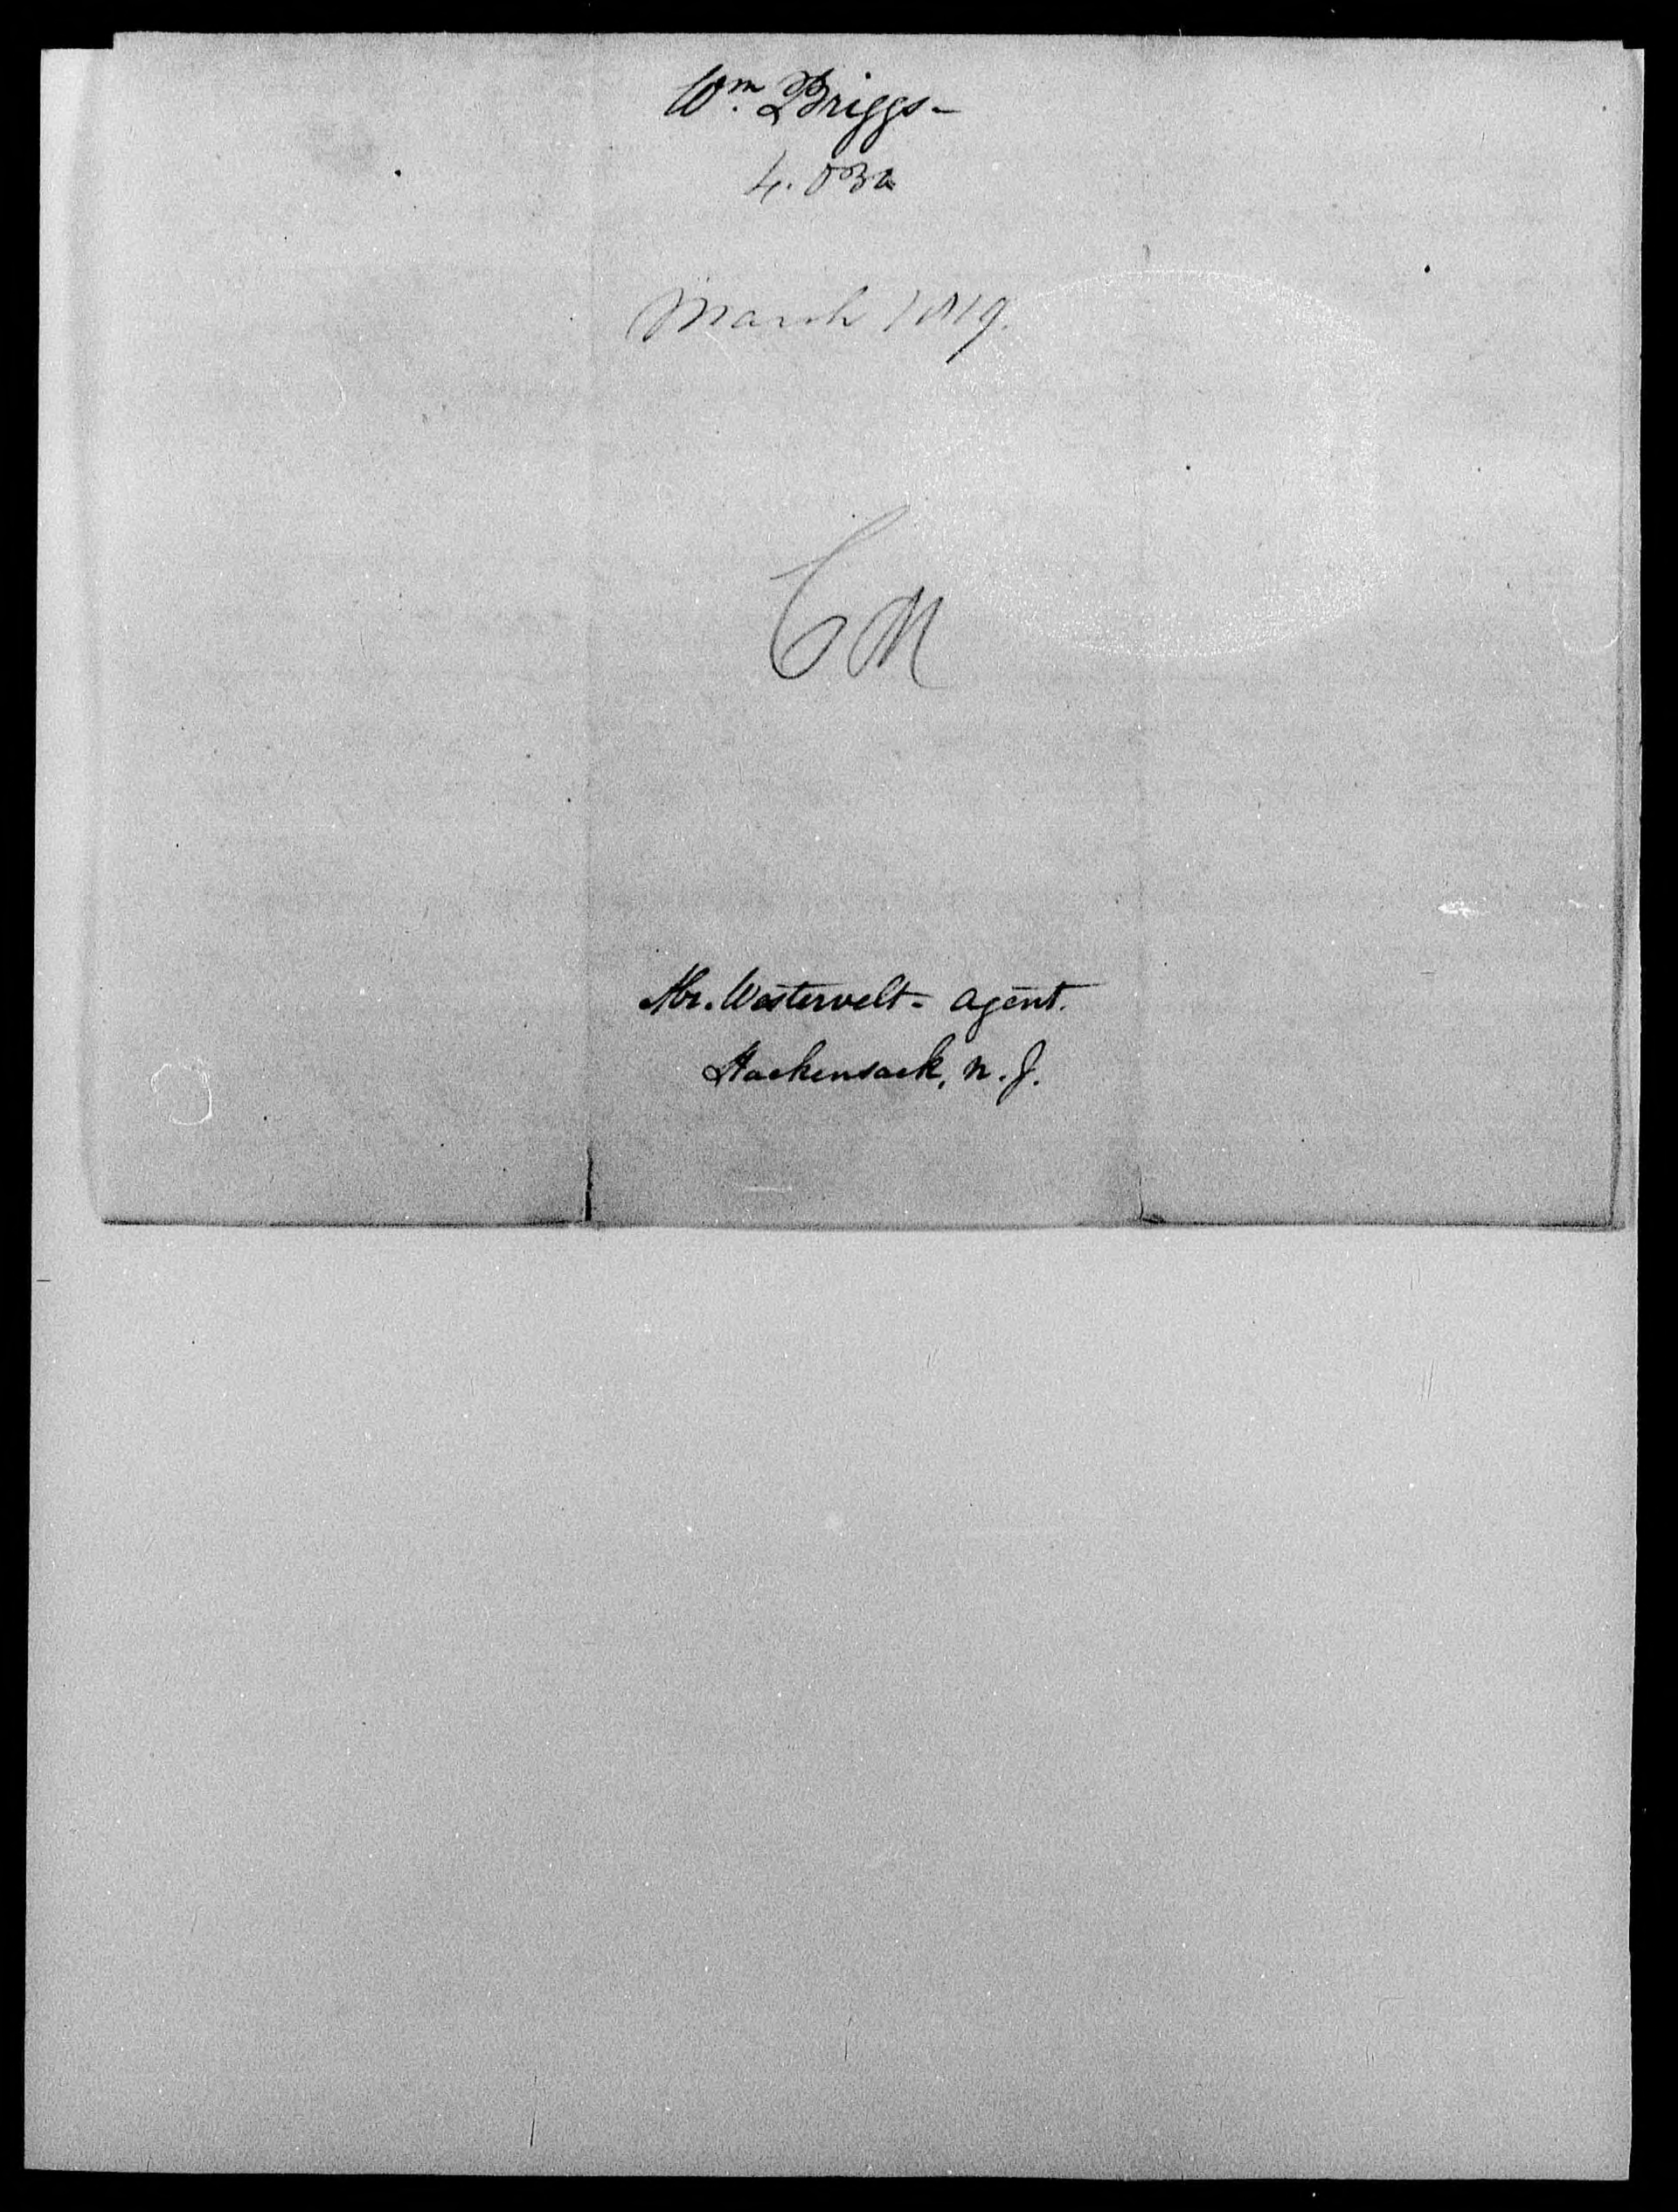Wm. Briggs
4,035
March 1819


CM

Abr. Westervelt - Agent
Hackensack, N.J.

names: Wm Briggs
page: 3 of 9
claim: survivor's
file: S. 34,076, William Briggs, Penn.